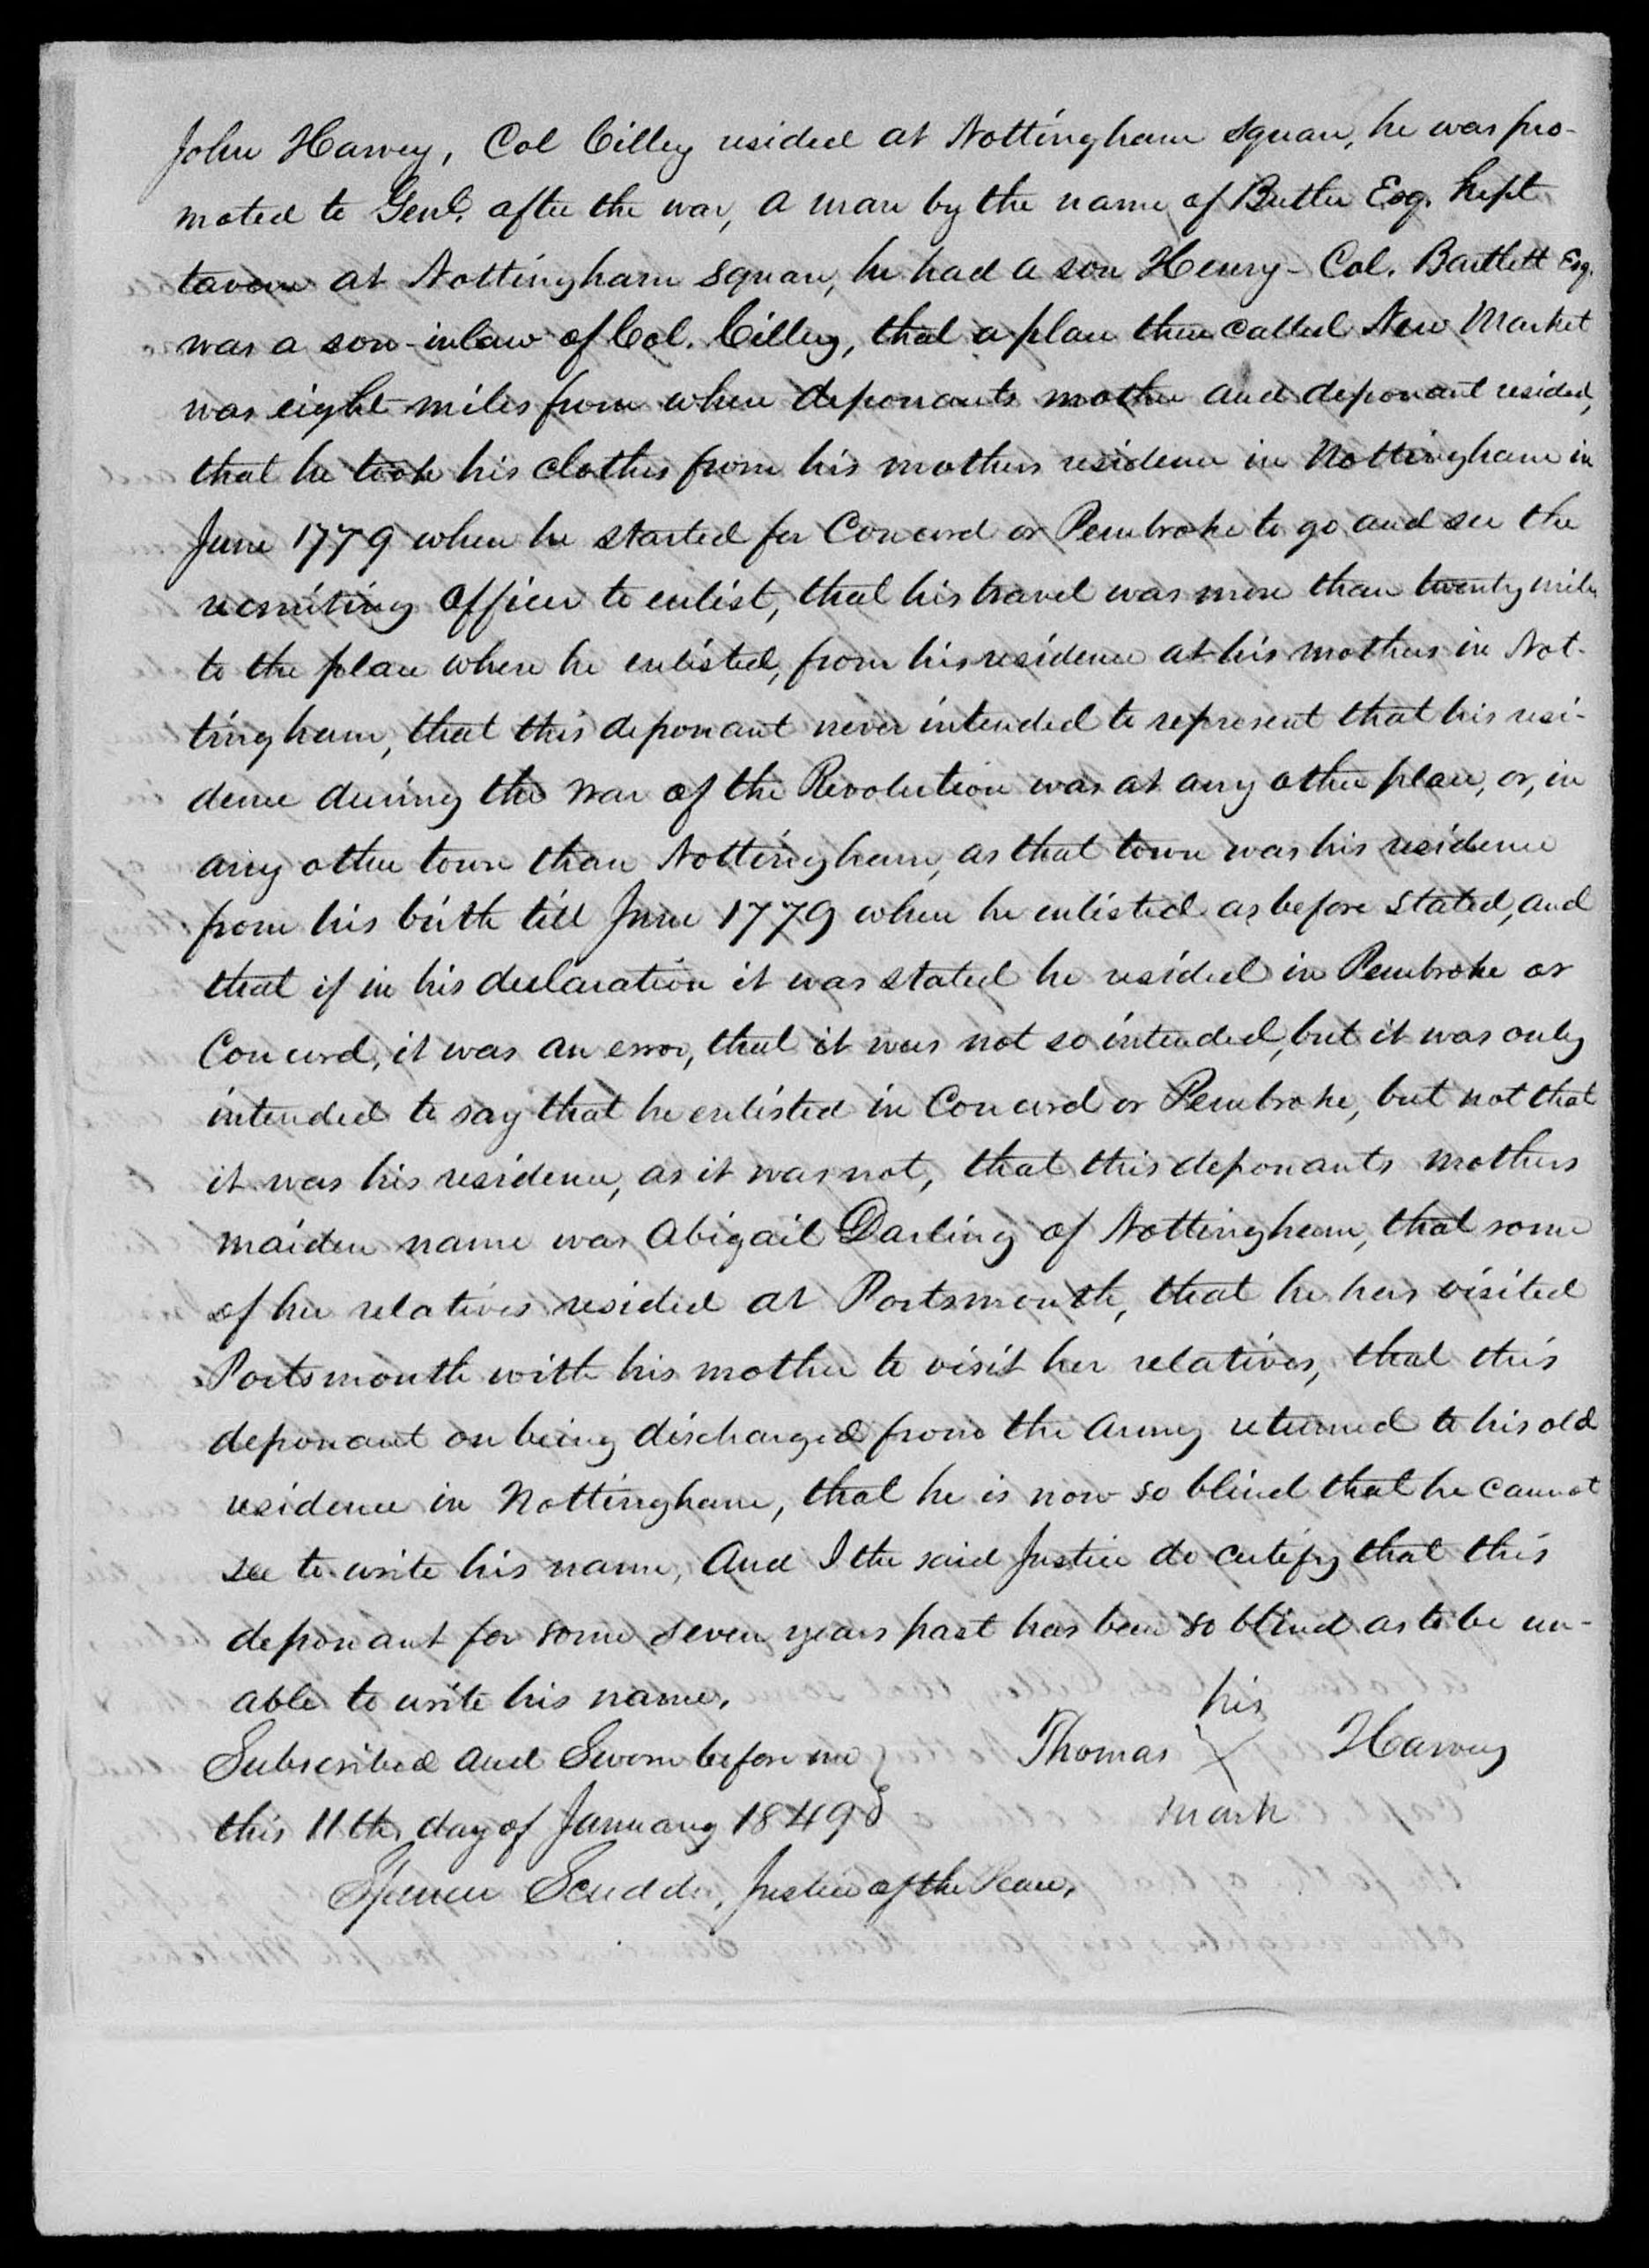John Harvey, Col. Cilley resided at Nottingham Square, he was promoted to Genl. after the war, a man by the name of Butler, Esq. kept tavern at Nottingham Square, he had a sone Henry - Col. Bartlett Esq. was a son-in-law of Col. Cilley, that a place then called New Market was eight miles from where deponant's mother and deponant resided, that he took his clothes from his mother's residence in Nottingham in June 1779 when he started for Concord or Pembroke to go and see the recruiting officer to enlist, that his travel was more than twenty miles to the place where he enlisted, from his residence at his mother's in Nottingham, that this deponant never intended to represent that his residence during the War of the Revolution was at any other place, or, in any other town than Nottingham, as that town was his residence from his birth till June 1779 when he enlisted as before stated, and that if in his declaration it was stated he resided in Pembroke or Concord, it was an error, that it was not so intended, but it was only intended to say that he enlisted in Concord or Pembroke, but not that it was his residence, as it was not, that this deponant's mother's maiden name was Abigail Darling of Nottingham, that some of his relatives resided at Portsmouth, that he has visited Portsmouth with his mother to visit her relatives, that this deponant on being discharged from the Army returned to his old residence in Nottingham, that he is now so blind that he cannot see to write his name, And I the said Justice do certify that this deponant for some seven years past has been so blind as to be unable to write his name.
/s/X his mark Thomas Harvey
Subscribed and Sworn before me this 11th day of January 1849}
/s/Spencer Scudder, Justice of the Peace,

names: Cilley, Henry, Butler, Cilley, Spencer Scudder, Thomas Harvey, Abigail Darling, John Harvey, Bartlett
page: 74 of 80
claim: survivor's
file: S. 18008, Thomas Harvey, N.H.